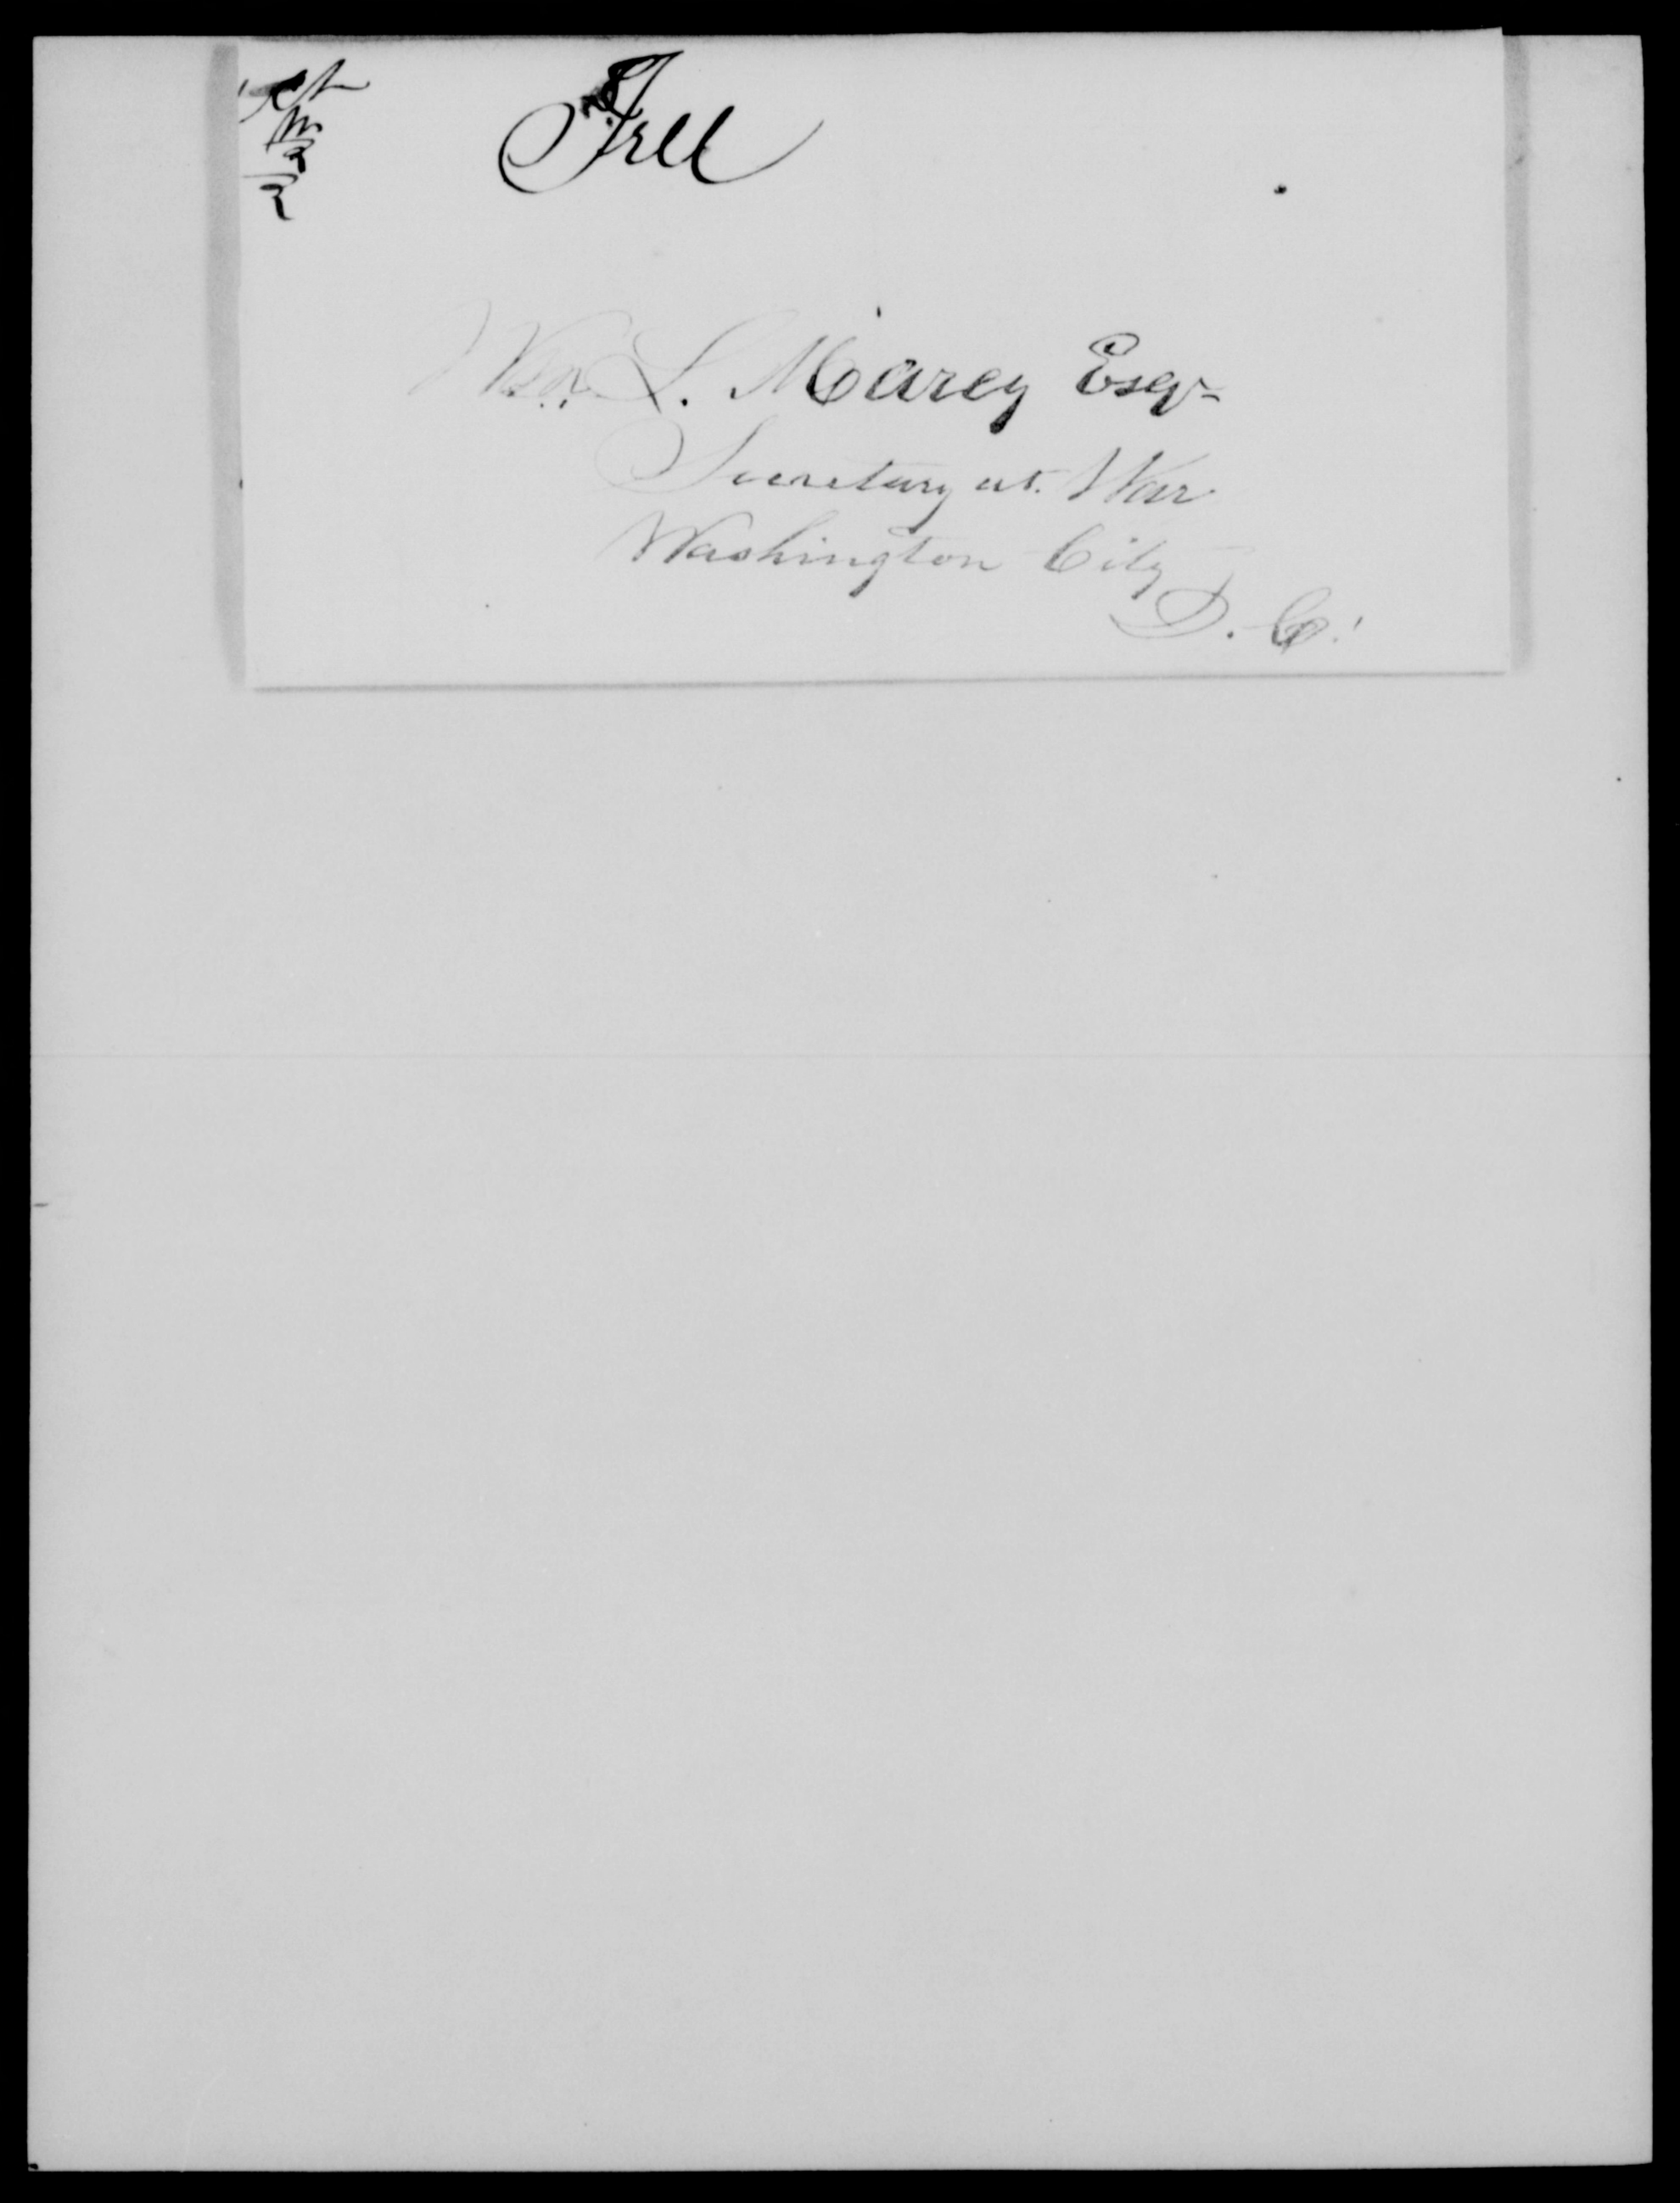Free 
W. L. Marcy Esq. 
Secretary at War 
Washington City D. C.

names: W L Marcy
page: 74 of 87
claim: widow's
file: W. 22,226, for Nathan Slawson, Connecticut